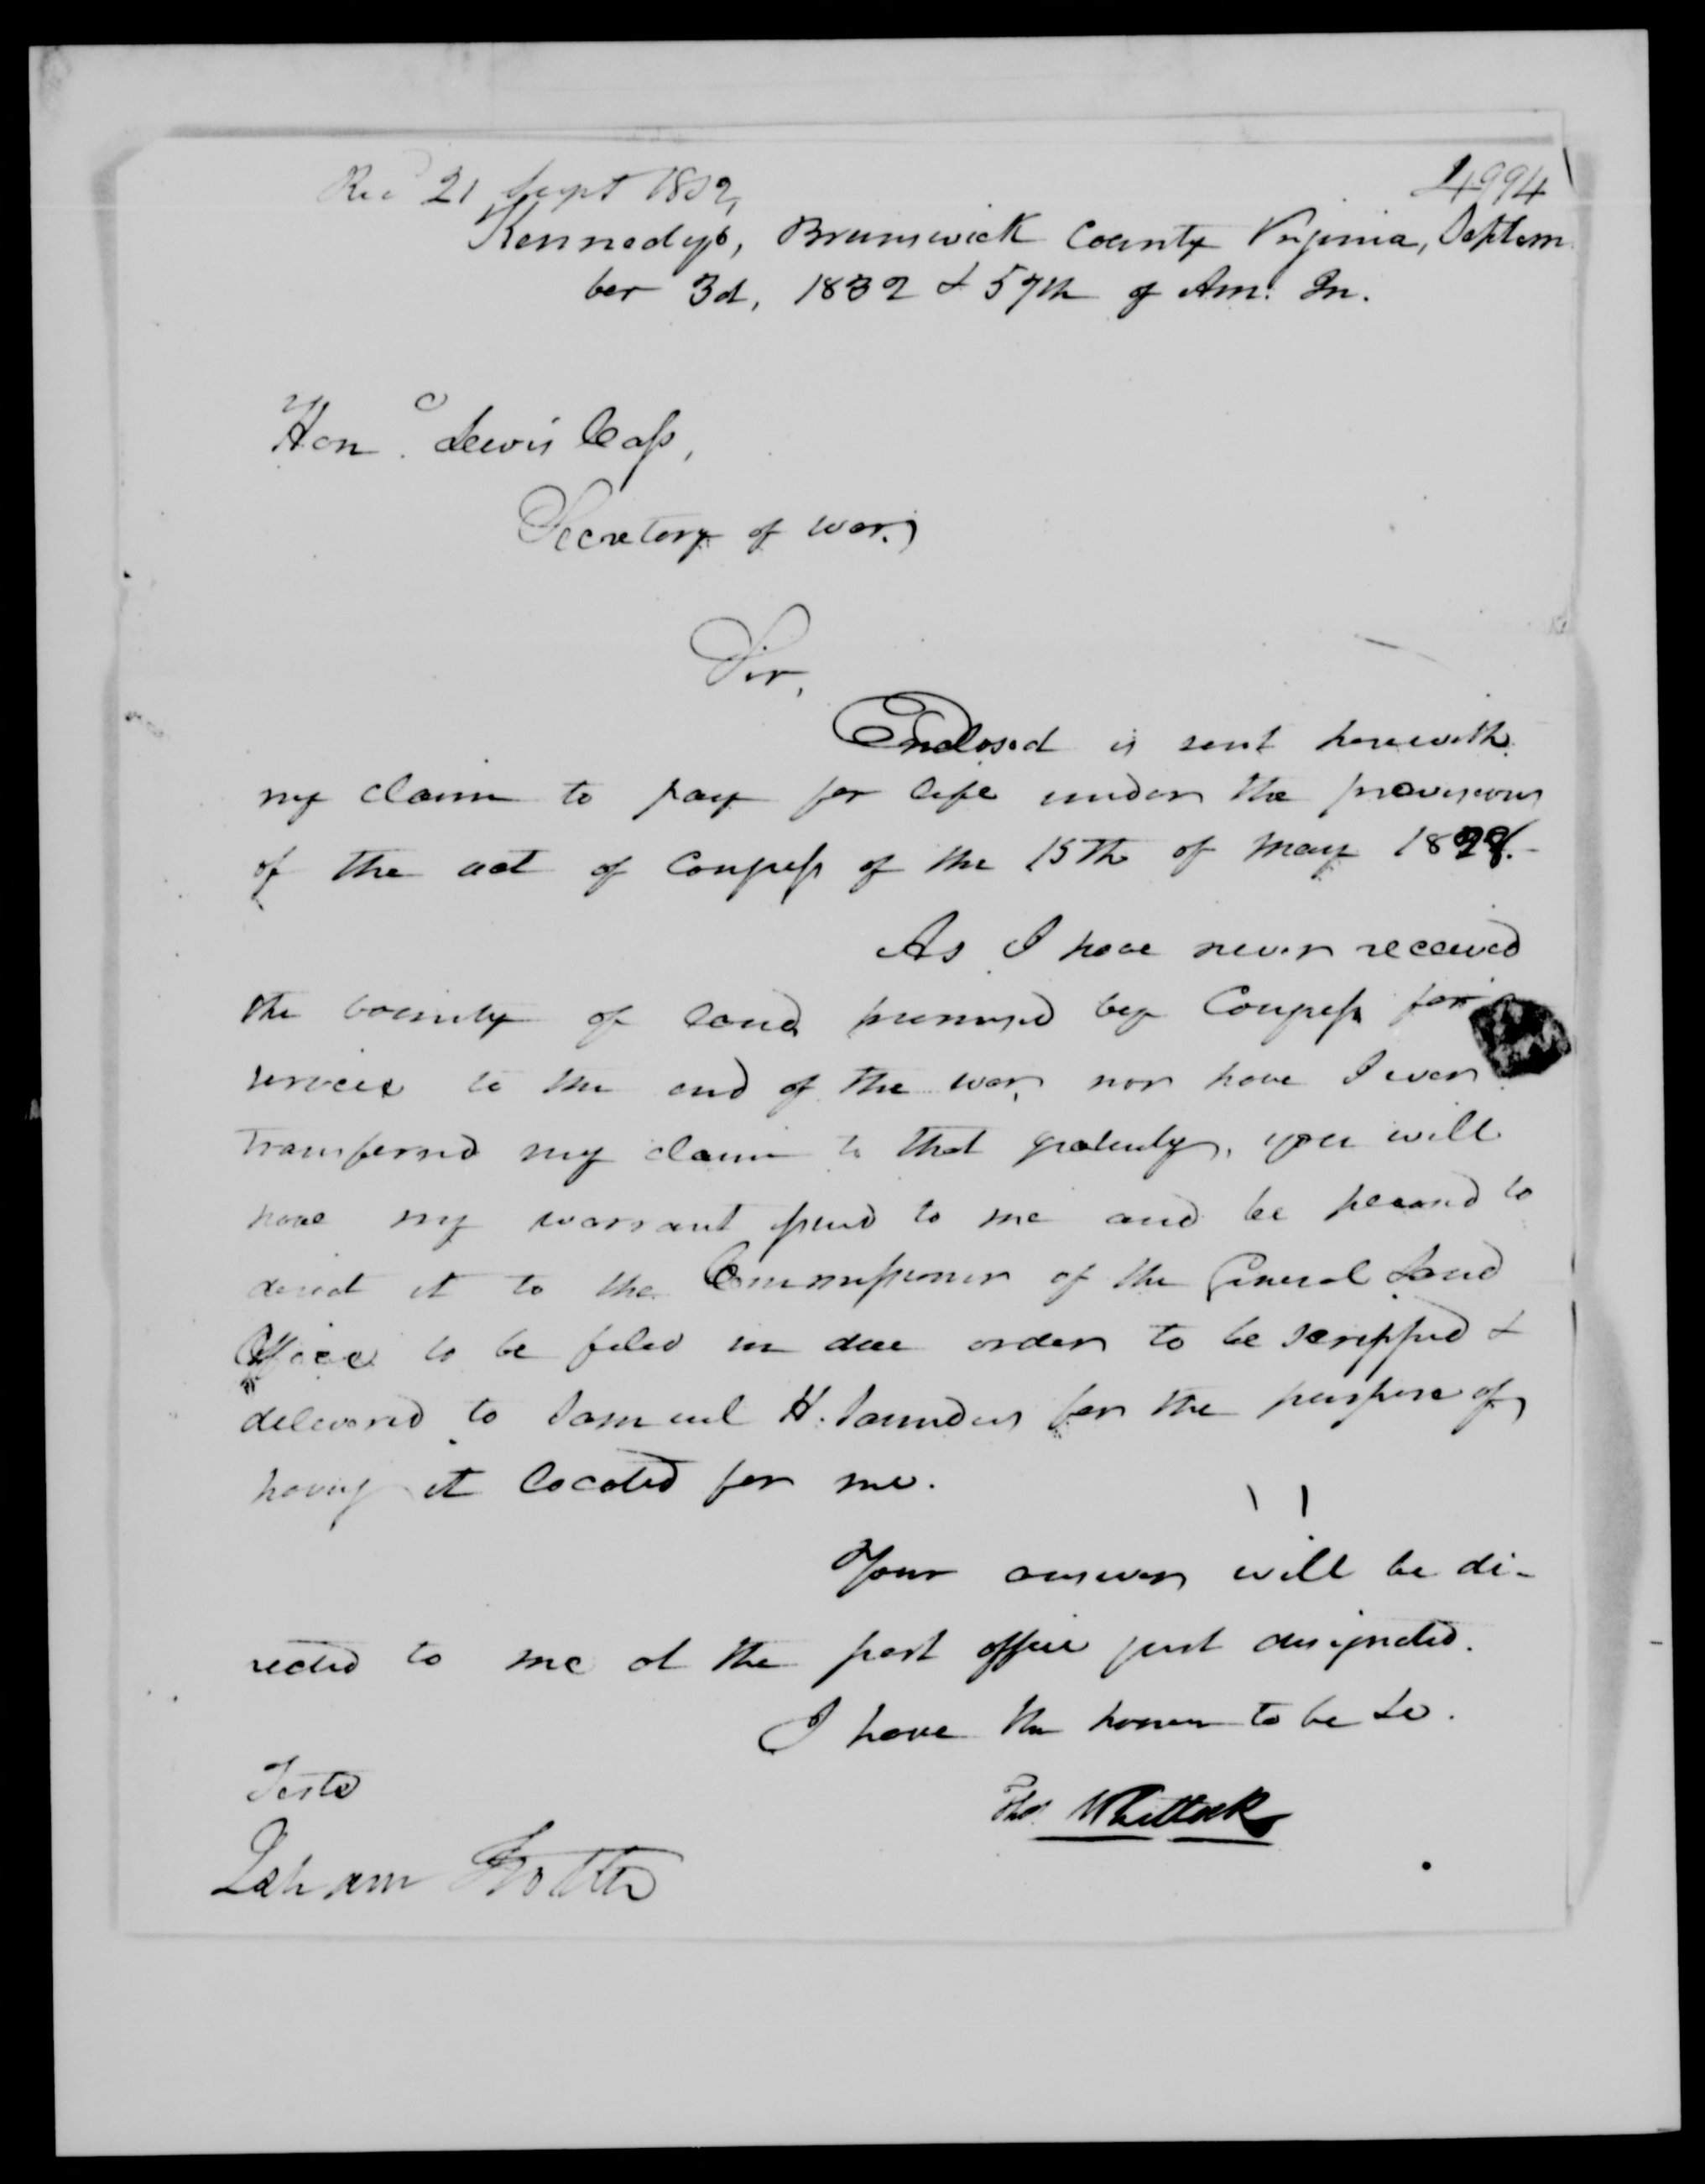4994
Recd 21 Sept 1832,
Kennedys, Brunswick County Virginia, September 3d, 1832 & 57th of Am. In.

Hon. Lewis Cass,
Secretary of war.

Sir,
Enclosed is sent herewith my claim to pay for case under the provisions of the act of Congress of the 15th of May 1828.
As I have never recovered the benefits of said provisions by Congress for services to the end of the war, nor have I ever transferred my claim to that gratuity, you will have my warrant paid to me and be pleased to direct it to the Commissioner of the General Land Office to be filed in due order to be certified & delivered to Samuel H. Saunders for the purpose of having it located for me.
Your answer will be directed to me at the post office past designated.
I have the honor to be &c.
Thos Whitlock
Teste
Isham Trotter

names: Lewis Coss, Thos Whitlock, Samuel H Sannders, Isham Trotter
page: 22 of 32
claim: survivor's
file: S. 16020, Thomas Whitlock, Va.